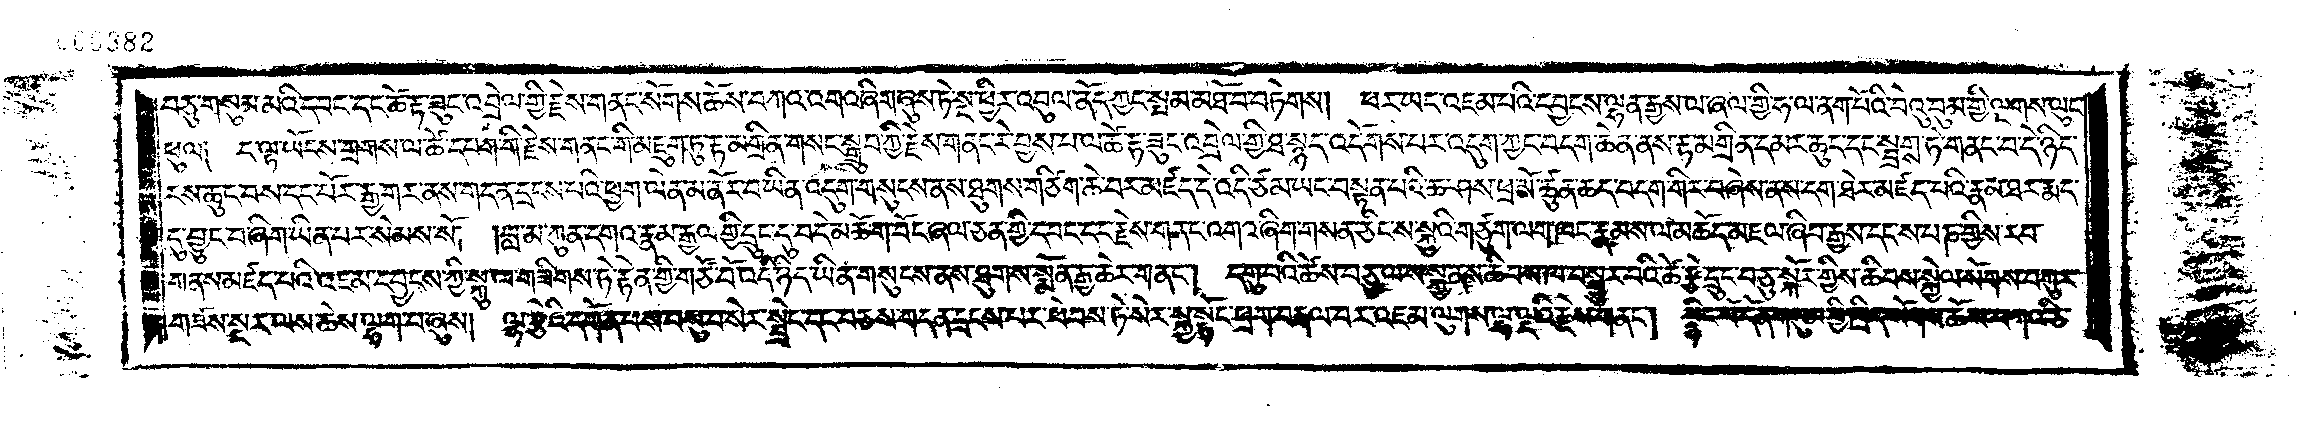བཅུ་གསུམ་མའི་དབང་དང་ཚེ་རྟ་ཟུང་འབྲེལ་གྱི་རྗེས་གནང་སོགས་ཆོས་བཀའ་འགའ་ཞིག་ཞུས་ཏེ་སྔ་ཕྱིར་འབུལ་ནོད་ཀྱང་སྤམ་མཐོ་བ་བཏེགས། ཕར་ཡང་འཇམ་པའི་དབྱངས་ལྷན་རྒྱས་ལ་ཞལ་གྱི་ཧ་ལ་ནག་པོའི་བེའུ་བུམ་གྱི་ལྔགས་ལུང་
ཕུལ༑ ང་ལྟ་ཡོངས་གྲགས་ལ་ཚེ་དབག་གི་རྗེས་གནང་གི་མཇུག་ཏུ་རྟ་མགྲིན་གསང་སྒྲུབ་ཀྱི་རྗེས་གནང་རེ་བྱས་པ་ལ་ཙེ་རྟ་ཟུང་འབྲེལ་གྱི་ཐ་སྙད་འདོགས་པར་འདུག་ཀྱང་བདག་ཆེན་ནས་རྟ་མགྲིན་དམར་ཆུང་དང་སྤྲགས་ཏེ་གནང་པ་དེ་ཉིད་
རས་ཆུང་བས་དང་པོར་རྒྱ་གར་ནས་གདན་དྲངས་པའི་ཕྱག་ལེན་མ་ནོར་བ་ཡིན་འདུག་གསུངས་ནས་ཐུགས་གཙིག་ཆེ་བར་མཛད་དེ་འདི་ཙམ་ཡང་བསྟན་པའི་ཆ་ཤས་ཕྲ་མོ་ཚུན་ཆད་བདག་གིར་བཞེས་ནས་དག་ཐེར་མཛད་པའི་རྣམ་ཐར་རྨད་
དུ་བྱུང་བ་ཞིག་ཡིན་པར་སེམས་སོ། །བླ་མ་ཀུན་དགའ་རྣམ་རྒྱལ་གྱི་དྲུང་དུ་བདེ་མཆོག་བོང་ཞལ་ཅན་གྱི་དབང་དང་རྗེས་གནང་འགའ་ཞིག་གསན་ཅིངས་སྐྱའི་གཙུག་ལག་ཁང་རྣམས་ལ་མཆོད་མཇལ་ཞིབ་རྒྱས་དང་ས་པཎ་གྱིས་རབ་
གནས་མཛད་པའི་འཇམ་དབྱངས་ཀྱི་སྐུ་ལ་གཟིགས་ཏེ་རྟེན་གྱི་གཙོ་བོ་འདི་ཉིད་ཡིན་གསུངས་ནས་ཐུགས་སྨོན་རྒྱ་ཆེར་གནང་། དགུ་པའི་ཚེས་བཅུ་ལས་སྐྱ་ནས་ཆིབས་ཁ་བསྒྱུར་བའི་ཚེ་རྩེ་དྲུང་བཅུ་སྐོར་གྱིས་ཆིབས་སྐྱེལ་སོགས་བཀུར་
གཟོས་སྔར་ལས་ཆེས་ལྷག་བ་ཞུས། ལྷ་རྩེའི་དགོན་པས་བསུ་བ་སེར་སྦྲེང་དང་བཅས་གདན་དྲངས་པར་ཕེབས་ཏེ་སེར་སྐྱ་སྟོང་ཕྲག་བརྒལ་བར་འཇམ་ལུགས་ལྷ་ལྔའི་རྗེས་གནང་། སྙིང་པོ་དོན་གསུམ་གྱི་ཁྲིད་སོགས་ཆོས་བཀའ་ཅི་